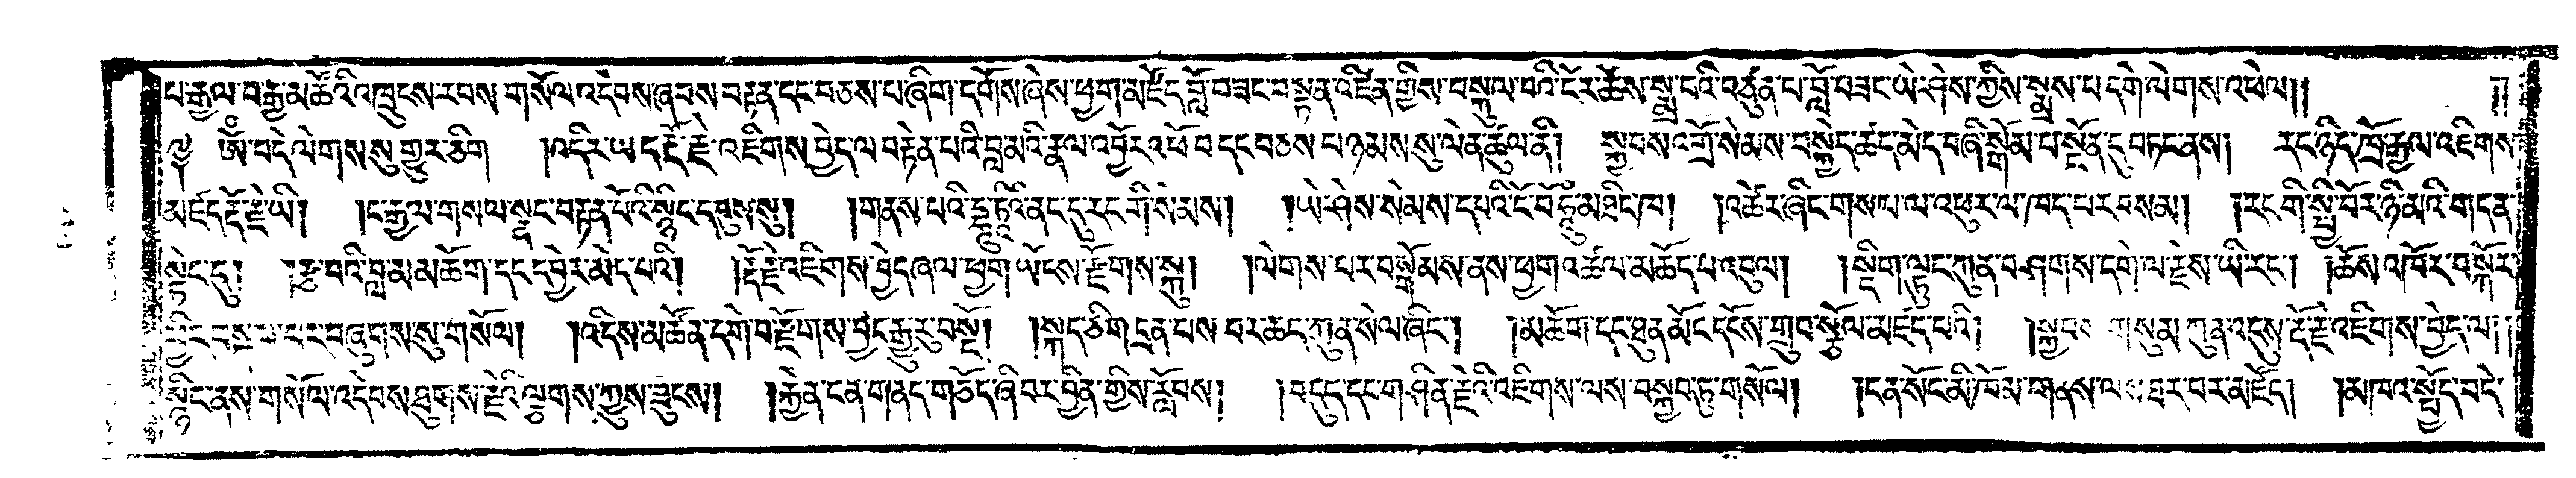པ་རྒྱལ་བ་རྒྱ་མཚོའི་འཁྲུངས་རབས་གསོལ་འདེབས་ཞབས་བརྟན་དང་བཅས་པ་ཞིག་དགོས་ཞེས་ཕྱག་མཛོད་བློ་བཟང་བསྟན་འཛིན་གྱིས་བསྐུལ་བའི་ངོར་ཆོས་སྨྲ་བའི་བཙུན་པ་བློ་བཟང་ཡེ་ཤེས་ཀྱིས་སྨྲས་པ་དགེ་ལེགས་འཕེལ།། །།
༈ ཨོཾ་བདེ་ལེགས་སུ་གྱུར་ཅིག །འདིར་ཡང་རྡོ་རྗེ་འཇིགས་བྱེད་ལ་བརྟེན་པའི་བླ་མའི་རྣལ་འབྱོར་འཕོ་བ་དང་བཅས་པ་ཉམས་སུ་ལེན་ཚུལ་ནི། སྐྱབས་འགྲོ་སེམས་བསྐྱེད་ཚད་མེད་བཞི་སྒོམ་པ་སྔོན་དུ་བཏང་ནས། རང་ཉིད་ཁྲོ་རྒྱལ་འཇིགས་
མཛད་རྡོ་རྗེ་ཡི། །ང་རྒྱལ་གསལ་སྣང་བརྟན་པོའི་སྙིང་དབུས་སུ། །གནས་པའི་དྷཱུ་ཏཱིའི་ནང་དུ་རང་གི་སེམས། །ཡེ་ཤེས་སེམས་དཔའི་ངོ་བོ་ཧཱུཾ་མཐིང་ཁ། །འཚེར་ཞིང་གསལ་ལ་འཕུར་ལ་ཁད་པར་བསམ། །རང་གི་སྤྱི་བོར་ཉི་མའི་གདན་
སྟེང་དུ། །རྩ་བའི་བླ་མ་མཆོག་དང་དབྱེར་མེད་པའི། །རྡོ་རྗེ་འཇིགས་བྱེད་ཞལ་ཕྱག་ཡོངས་རྫོགས་སྐུ། །ལེགས་པར་བསྒོམས་ནས་ཕྱག་འཚལ་མཆོད་པ་འབུལ། །སྡིག་ལྟུང་ཀུན་བཤགས་དགེ་ལ་རྗེས་ཡི་རང་། །ཆོས་འཁོར་བསྐོར་
ཕྱིར་བསྐལ་པར་བཞུགས་སུ་གསོལ། །འདིས་མཚོན་དགེ་བ་རྫོགས་བྱང་རྒྱུ་རུ་བསྔོ། །སྐད་ཅིག་དྲན་པས་བར་ཆད་ཀུན་སེལ་ཞིང་། །མཆོག་དང་ཐུན་མོང་དངོས་གྲུབ་སྩོལ་མཛད་པའི། །སྐྱབས་གསུམ་ཀུན་འདུས་རྡོ་རྗེ་འཇིགས་བྱེད་ལ། །
སྙིང་ནས་གསོལ་འདེབས་ཐུགས་རྗེའི་ལྕགས་ཀྱུས་ཟུངས། །རྐྱེན་ངན་གནད་གཅོད་ཞི་བར་བྱིན་གྱིས་རློབས། །བདུད་དང་གཤིན་རྗེའི་འཇིགས་ལས་བསྐྱབ་ཏུ་གསོལ། །ངན་སོང་མི་ཁོམ་གནས་ལས་ཐར་བར་མཛོད། །མཁའ་སྤྱོད་བདེ་